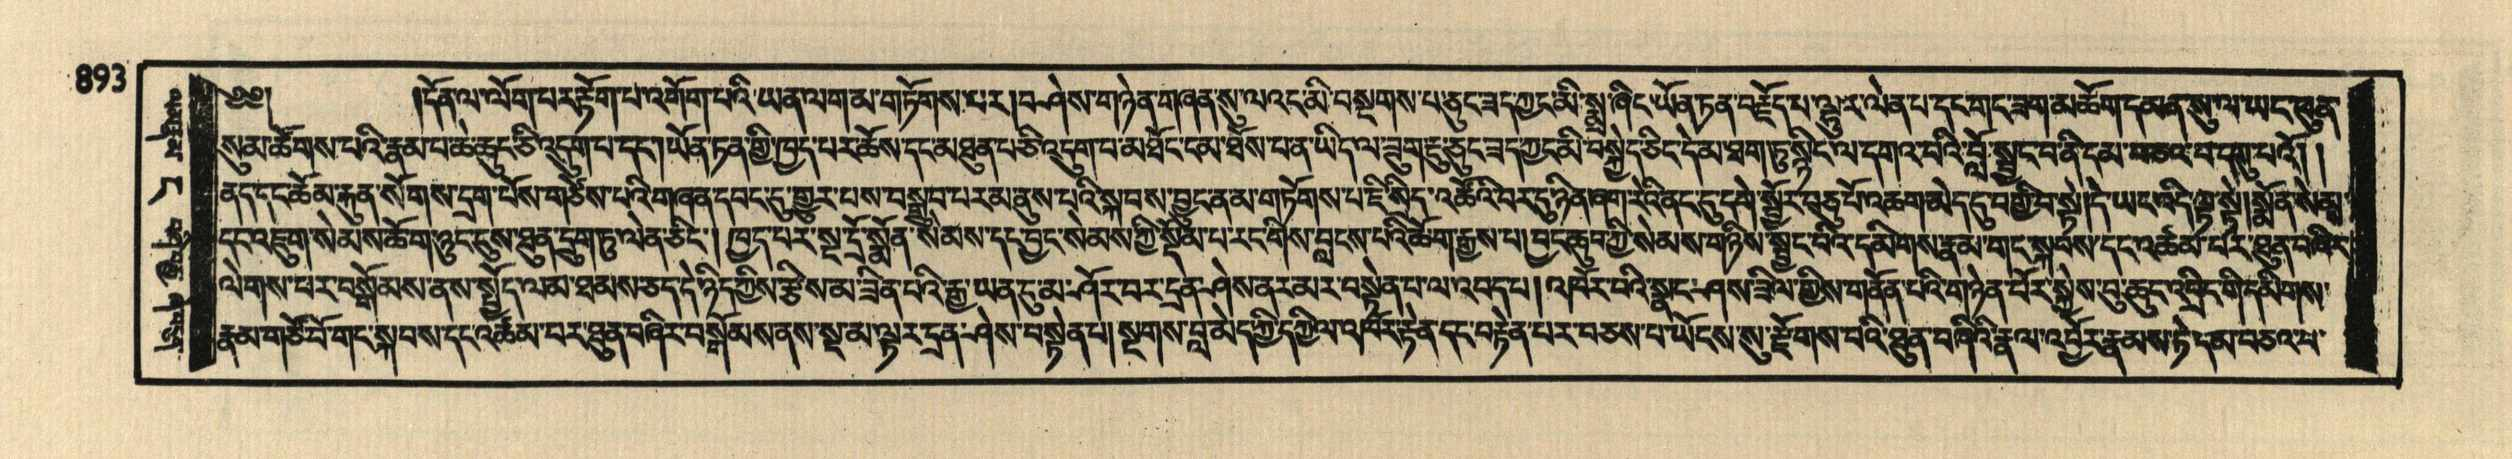༄༅། །དོན་ལ་ལོག་པར་རྟོག་པ་འགོག་པའི་ཡན་ལག་མ་གཏོགས་པར། བཤེས་གཉེན་གཞན་སུ་ལའང་མི་བསྔགས་པ་ཅུང་ཟད་ཀྱང་མི་སྨྲ་ཞིང་ཡོན་ཏན་བརྗོད་པ་ལྷུར་ལེན་པ་དང་གང་ཟག་མཆོག་དམན་སུ་ལ་ཡང་ཕུན་
སུམ་ཚོགས་པའི་རྣམ་པ་ཆེ་ཆུང་ཅི་འདུག་པ་དང་། ཡོན་ཏན་གྱི་ཁྱད་པར་ཆོས་དང་མཐུན་པ་ཅི་འདུག་པ་མཐོང་ངམ་ཐོས་པ་ན་ཡིད་ལ་ཟུག་རྔུ་ཅུང་ཟད་ཀྱང་མི་བསྐྱེད་ཅིང་དེ་མ་ཐག་ཏུ་སྙིང་ལ་དགའ་བའི་བློ་སྦྱང་བ་ནི་དམ་བཅའ་བ་དགུ་པའོ། །
ནད་དང་ཆོམ་རྐུན་སོགས་དྲག་པོས་གཙེས་པའི་གཞན་དབང་དུ་གྱུར་པས་བསྒྲུབ་པར་མ་ནུས་པའི་སྐབས་བྱུང་ན་མ་གཏོགས་པ་ཇི་སྲིད་འཚོའི་བར་དུ་ཉིན་ཞག་རེའི་ནང་དུ་དགེ་སྦྱོར་བཅུ་པོ་འཆག་མེད་དུ་བགྱི་བ་སྟེ། དེ་ཡང་འདི་ལྟ་སྟེ། སྨོན་སེམས་
དང་འཇུག་སེམས་ཆོ་ག་ཉུང་དུས་ཐུན་དྲུག་ཏུ་ལེན་ཅིང་། ཁྱད་པར་སྔ་དྲོ་སྨོན་སེམས་དང་བྱང་སེམས་ཀྱི་སྡོམ་པ་རང་གིས་བླངས་པའི་ཆོ་ག་རྒྱས་པ། བྱང་ཆུབ་ཀྱི་སེམས་གཉིས་སྦྱང་བའི་དམིགས་རྣམ་གང་སྐབས་དང་འཚམ་པར་ཐུན་བཞིང་
ལེགས་པར་བསྒོམས་ནས་སྤྱོད་ལམ་ཐམས་ཅད་དེ་ཉིད་ཀྱིས་རྩིས་མ་ཟིན་པའི་རྒྱ་ཡན་དུ་མ་ཤོར་བར་དྲན་ཤེས་ནར་མར་བསྟེན་པ་ལ་འབད་པ། འཁོར་བའི་སྣང་ཤས་ཟིལ་གྱིས་གནོན་པའི་གཉེན་པོར་སྐྱེས་བུ་ཆུང་འབྲིང་གི་དམིགས་
རྣམ་གཙོ་བོ་གང་སྐབས་དང་འཚམ་བར་ཐུན་བཞིར་བསྒོམས་ནས་སྔ་མ་ལྟར་དྲན་ཤེས་བསྟེན་པ། སྔགས་བླ་མེད་ཀྱི་དཀྱིལ་འཁོར་རྟེན་དང་བརྟེན་པར་བཅས་པ་ཡོངས་སུ་རྫོགས་པའི་ཐུན་བཞིའི་རྣལ་འབྱོར་རྣམས་ཏེ་དམ་བཅའ་པ་